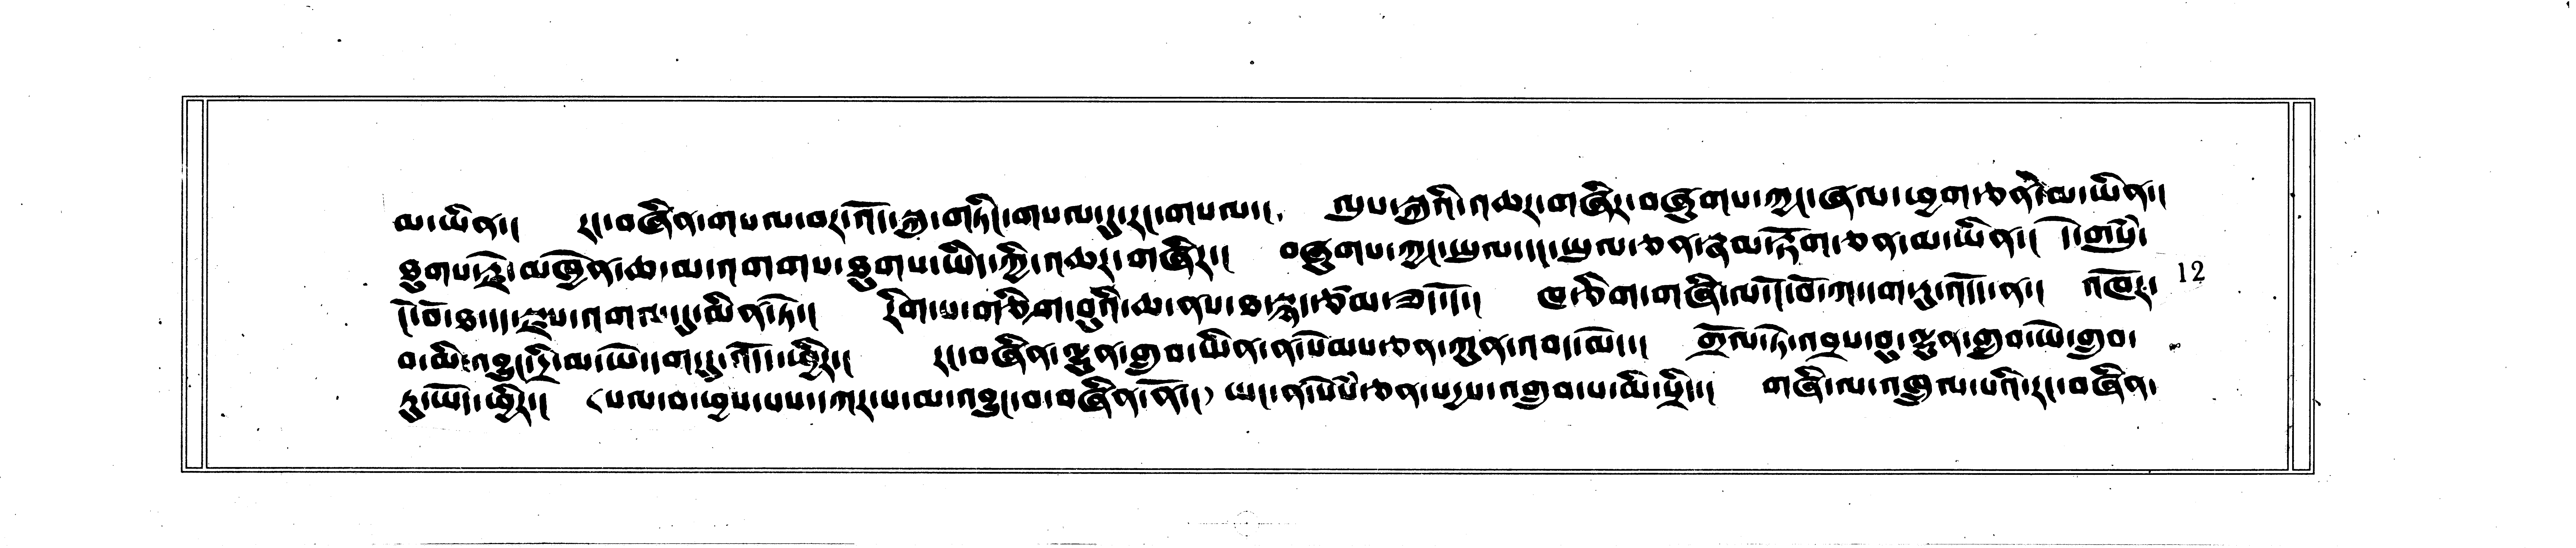མ་ཡིན། །རང་བཞིན་གསལ་བར་འོད་སྐུ་གཏིང་གསལ་དུ་རང་གསལ། །ལོངས་སྐུའི་འཆར་གཞིར་བཞུགས་ཀྱང་ཞལ་ཕྱག་ཅན་མ་ཡིན། 
།ཐུགས་རྗེ་མཁྱེན་ཆ་མ་འགག་ཐུགས་ཡིད་ཀྱི་འཆར་གཞིར། །བཞུགས་ཀྱང་ཡུལ་དང་ཡུལ་ཅན་རྣམ་རྟོག་ཅན་མ་ཡིན། །དེ་གསུམ་
ངོ་བོ་ཐ་དད་རྫས་འགལ་དུ་མིན་ཏེ། །རིག་པ་གཅིག་པུའི་ཆ་ནས་ཐ་སྙད་ཙམ་ཟད་དོ། །ཁ་ཅིག་གཞི་ལ་ངོ་བོ་ཀ་དག་ཏུ་འདོད་ན། །འཁོར་
བ་མི་འབྱུང་དྲི་མ་ཡེ་དག་ཏུ་འདོད་ཕྱིར། །རང་བཞིན་ལྷུན་གྲུབ་ཡིན་ན་སེམས་ཅན་ཀུན་འབད་མེད། །གྲོལ་ཏེ་འབྲས་བུ་ལྷུན་གྲུབ་ཡེ་གྲུབ་
ཏུ་ཡོད་ཕྱིར། །ཡང་ན་སེམས་ཅན་སངས་རྒྱས་འགྲུབ་པ་མི་སྲིད། །གཞི་ལ་འཁྲུལ་པའི་རང་བཞིན་